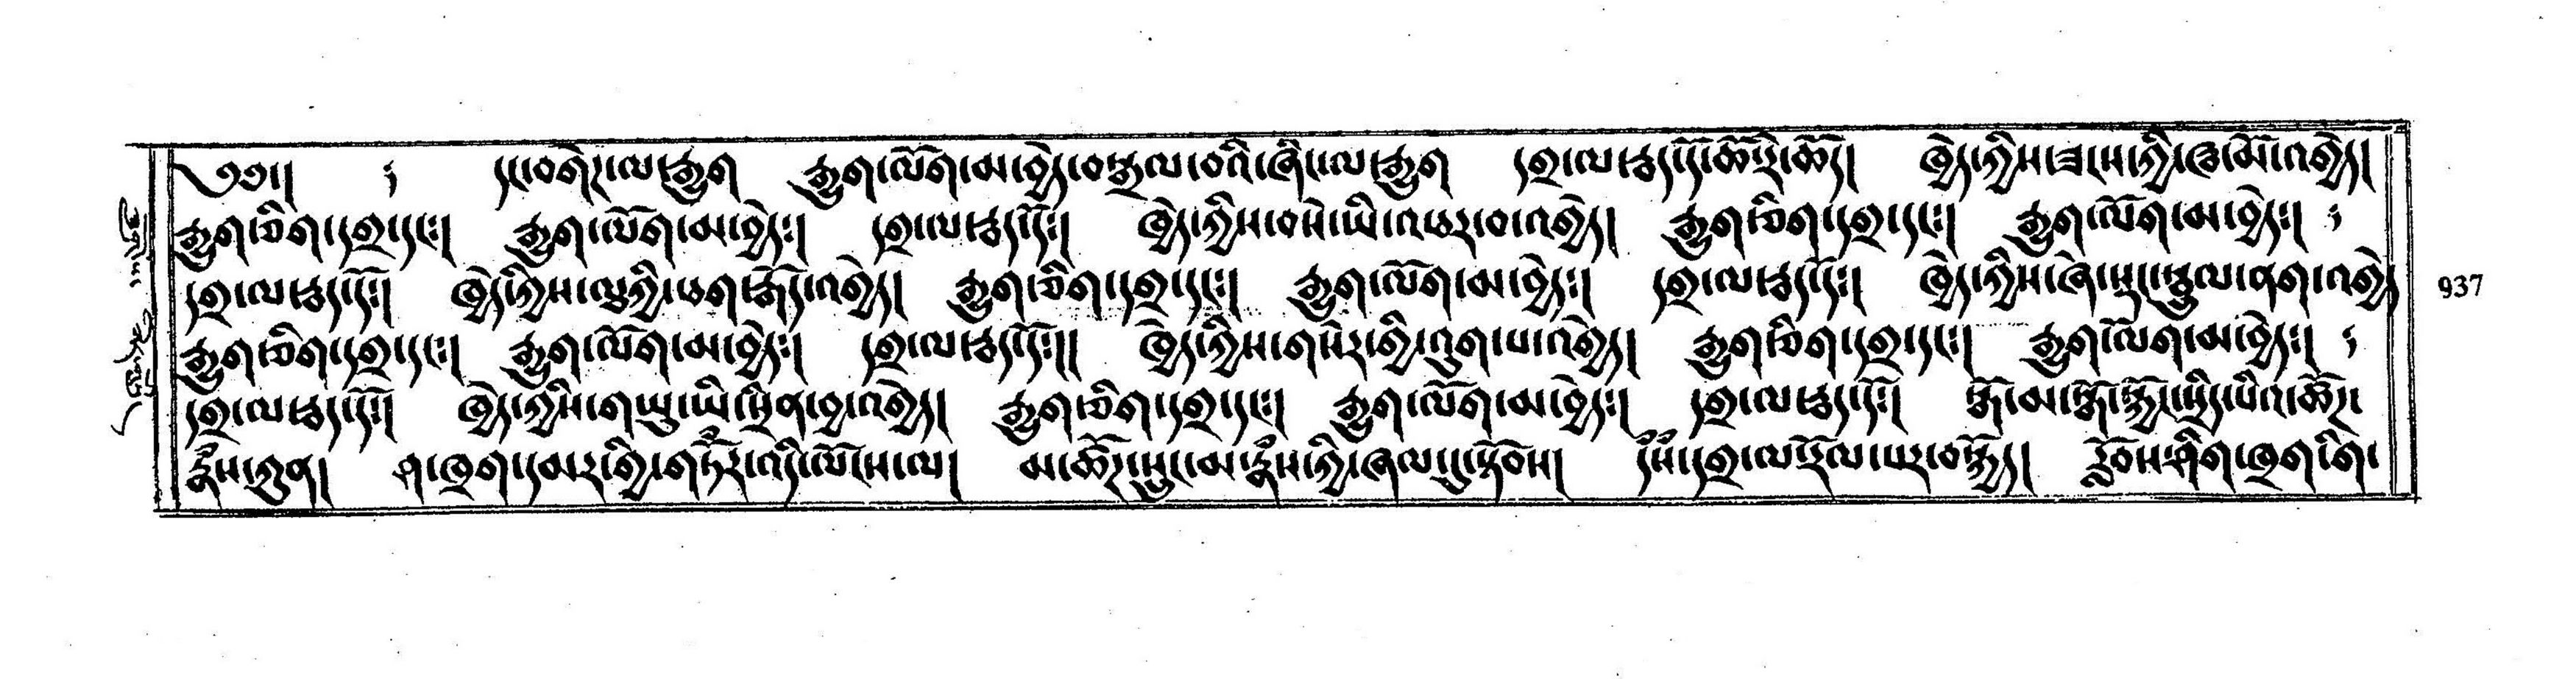དང་བགེགས་ལ་རྒྱུག རྒྱུག་ལོག་མ་བྱེད་བསྒྲལ་བའི་ཞིང་ལ་རྒྱུག དགྲ་ལ་རྦད་དོ་ཆོ་རེ་ཆོད། ཁྱེད་ཀྱིས་ཟངས་ཀྱི་ཝ་མོ་འགྱེད། 
རྒྱུག་ཅིག་དགྲ་དང་༴། རྒྱུག་ལོག་མ་བྱེད༴། དགྲ་ལ་རྦད་དོ༴། ཁྱེད་ཀྱིས་བསེ་ཡི་འཕར་བ་འགྱེད། རྒྱུག་ཅིག་དགྲ་དང་༴། རྒྱུག་ལོག་མ་བྱེད༴། 
དགྲ་ལ་རྦད་དོ༴། ཁྱེད་ཀྱིས་ལྕགས་ཀྱི་ཕག་རྒོད་འགྱེད། རྒྱུག་ཅིག་དགྲ་དང་༴། རྒྱུག་ལོག་མ་བྱེད༴། དགྲ་ལ་རྦད་དོ༴། ཁྱེད་ཀྱིས་ཞེ་སྡང་སྦྲུལ་ནག་འགྱེད། 
རྒྱུག་ཅིག་དགྲ་དང་༴། རྒྱུག་ལོག་མ་བྱེད༴། དགྲ་ལ་རྦད་དོ༴།། ཁྱེད་ཀྱིས་གསེར་གྱི་འུག་པ་འགྱེད། རྒྱུག་ཅིག་དགྲ་དང་༴། རྒྱུག་ལོག་མ་བྱེད༴། 
དགྲ་ལ་རྦད་དོ༴། ཁྱེད་ཀྱིས་གཡུ་ཡི་སྲིན་བྱ་འགྱེད། རྒྱུག་ཅིག་དགྲ་དང་༴། རྒྱུག་ལོག་མ་བྱེད༴། དགྲ་ལ་རྦད་དོ༴། སྒོ་མ་སྒོ་སྐྱོང་སྲིད་པའི་ཚོགས་
རྣམས་ཀུན། ཤ་ཁྲག་དམར་གྱི་གཏོར་མ་འདི་ལོངས་ལ། མ་ཚོགས་སྲུང་མ་རྣམས་ཀྱི་ཞལ་དུ་སྟོབས། དམ་ཉམས་དགྲ་ལ་རོལ་པར་བསྐྱོད། རློབས་ཤིག་ཁྲག་གི་